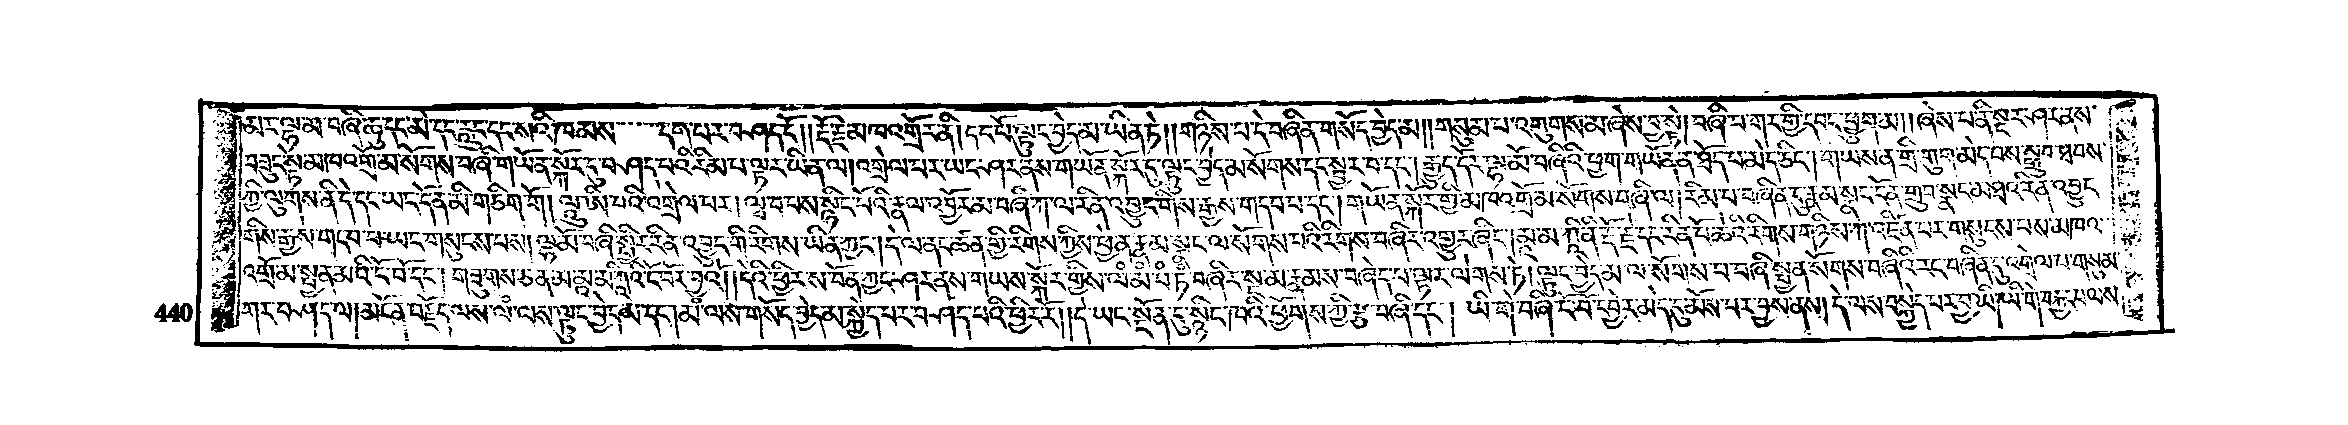མར་ལྷ་མོ་བཞི་ཆུ་དང་མེ་དང་རླུང་དང་སའི་ཁམས་དག་པར་བཤད་དོ། །རྡོ་རྗེ་མཁའ་འགྲོར་ནི། དང་པོ་ལྟུང་བྱེད་མ་ཡིན་ཏེ། །གཉིས་པ་དེ་བཞིན་གསོད་བྱེད་མ། །གསུམ་པ་འགུགས་མ་ཞེས་བྱ་སྟེ། བཞི་པ་གར་གྱི་དབང་ཕྱུག་མ། །ཞེས་པ་ནི་སྔར་ཤར་ནས་
བཟུང་སྟེ་མཁའ་འགྲོ་མ་སོགས་བཞི་གཡོན་སྐོར་དུ་བཤད་པའི་རིམ་པ་ལྟར་ཡིན་ལ། འགྲེལ་པར་ཡང་ཤར་ནས་གཡོན་སྐོར་དུ་ལྟུང་བྱེད་མ་སོགས་དང་སྦྱར་བ་དང་། རྒྱུད་དེར་ལྷ་མོ་བཞིའི་ཕྱག་གཡོན་ན་ཐོད་པ་མེད་ཅིང་། གཡས་ན་གྲི་གུག་མེད་པས་སྒྲུབ་ཐབས་
ཀྱི་ལུགས་ནི་དེ་དང་ཡང་དོན་མི་གཅིག་གོ །ལཱུ་ཨི་པའི་འགྲེལ་པར། ལྭ་བ་པས་སྙིང་པོའི་རྣལ་འབྱོར་མ་བཞི་ཀ་ལ་རིན་འབྱུང་གིས་རྒྱས་གདབ་པ་དང་། གཡོན་སྐོར་གྱི་མཁའ་འགྲོ་མ་སོགས་བཞི་ལ། རིམ་པ་བཞིན་དུ་རྣམ་སྣང་དོན་གྲུབ་སྣང་མཐའ་རིན་འབྱུང་
གིས་རྒྱས་གདབ་པ་ཡང་གསུངས་པས། ལྷ་མོ་བཞི་སྤྱིར་རིན་འབྱུང་གི་རིགས་ཡིན་ཀྱང་། དེ་ལ་ནང་ཚན་གྱི་རིགས་ཀྱིས་ཕྱེ་ན་རྣམ་སྣང་ལ་སོགས་པའི་རིགས་བཞིར་འགྱུར་ཞིང་། མཱ་མ་ཀཱི་ནི་རྡོ་རྗེ་དང་རིན་པོ་ཆེའི་རིགས་གཉིས་ཀ་འཛིན་པར་གསུངས་པས་མཁའ་
འགྲོ་མ་སྤྱན་མའི་ངོ་བོ་དང་། གཟུགས་ཅན་མ་མཱ་མ་ཀཱིའི་ངོ་བོར་བྱའོ། །དེའི་ཕྱིར་ས་བོན་ཀྱང་ཤར་ནས་གཡས་སྐོར་གྱིས་ལཾ་མཾ་པཾ་ཏཾ་བཞིར་སྔ་མ་རྣམས་བཞེད་པ་ལྟར་ལེགས་ཏེ། ལྟུང་བྱེད་མ་ལ་སོགས་པ་བཞི་སྤྱན་སོགས་བཞིའི་རང་བཞིན་དུ་འགྲེལ་པ་གསུམ་
གར་བཤད་ལ། མངོན་བརྗོད་ལས་ལཾ་ལས་ལྟུང་བྱེད་མ་དང་། མཾ་ལས་གསོད་བྱེད་མ་སྐྱེད་པར་བཤད་པའི་ཕྱིར་རོ། །དེ་ཡང་སྔོན་དུ་སྙིང་ཁའི་ཕྱོགས་ཀྱི་རྩ་བཞི་དང་། ཡི་གེ་བཞི་ངོ་བོ་དབྱེར་མེད་དུ་མོས་པར་བྱས་ནས། དེ་ལས་བསྐྱེད་པར་བྱ་ཡི། ཡི་གེ་བརྐྱང་པ་ལས་